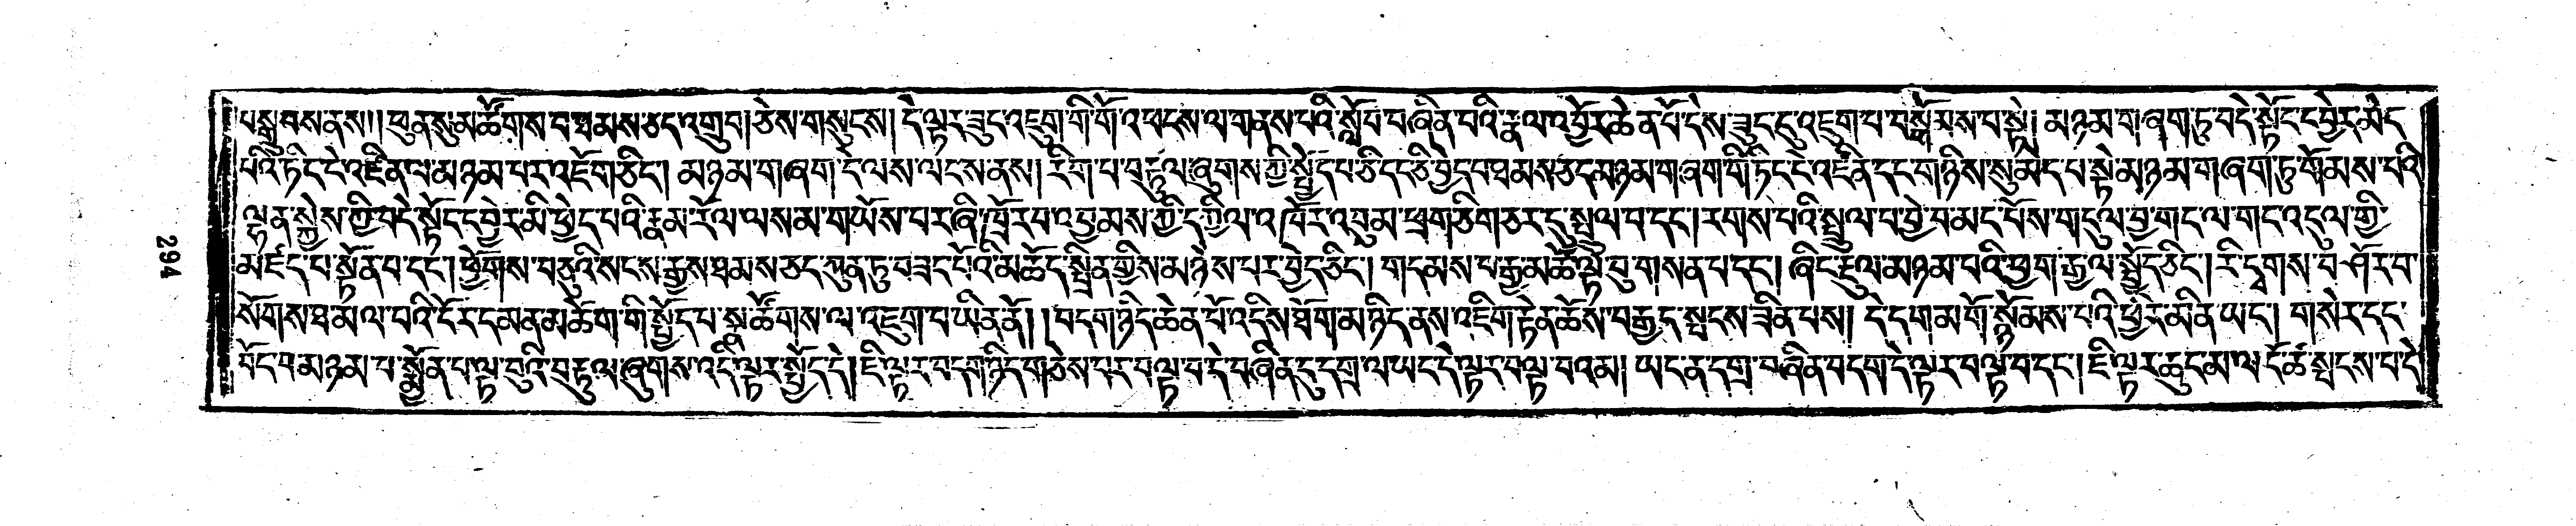བསྒྲུབས་ནས། །ཕུན་སུམ་ཚོགས་པ་ཐམས་ཅད་འགྲུབ། ཅེས་གསུངས། དེ་ལྟར་ཟུང་འཇུག་གི་གོ་འཕངས་ལ་གནས་པའི་སློབ་བཞིན་པའི་རྣལ་འབྱོར་ཆེན་པོ་དེས་ཟུང་དུ་འཇུག་པ་བསྒོམས་པ་སྟེ། མཉམ་གཞག་ཏུ་བདེ་སྟོང་དབྱེར་མེད་
པའི་ཏིང་ངེ་འཛིན་ལ་མཉམ་པར་འཐོག་ཅིང་། མཉམ་གཞག་དེ་ལས་ལངས་ནས། རིག་པ་བརྟུལ་ཞུགས་ཀྱི་སྤྱོད་པ་ཅི་དང་ཅི་བྱེད་པ་ཐམས་ཅད་མཉམ་གཞག་གི་ཏིང་ངེ་འཛིན་དང་གཉིས་སུ་མེད་པ་སྟེ་མཉམ་གཞག་ཏུ་གོམས་པའི་
ལྷན་སྐྱེས་ཀྱི་བདེ་སྟོང་དབྱེར་མི་ཕྱེད་པའི་རྣམ་རོལ་ལས་མ་གཡོས་པར་ཞི་ཁྲོ་རབ་འབྱམས་ཀྱི་དཀྱིལ་འཁོར་འབུམ་ཕྲག་ཅིག་ཅར་དུ་སྤྲུལ་བ་དང་། རགས་པའི་སྤྲུལ་པ་བྱེ་བ་མང་པོས་གདུལ་བྱ་གང་ལ་གང་འདུལ་གྱི་
མཛད་པ་སྟོན་པ་དང་། ཕྱོགས་བཅུའི་སངས་རྒྱས་ཐམས་ཅད་ཀུན་ཏུ་བཟང་པོའི་མཆོད་སྤྲིན་གྱིས་མཉེས་པར་བྱེད་ཅིང་། གདམས་པ་རྒྱ་མཚོ་ལྟ་བུ་གསན་པ་དང་། ཞིང་རྡུལ་མཉམ་པའི་ཕྱག་རྒྱ་ལ་སྤྱོད་ཅིང་། རི་དྭགས་བཤོར་བ་
སོགས་ཐ་མལ་པའི་ངོར་དམན་མཆོག་གི་སྤྱོད་པ་སྣ་ཚོགས་ལ་འཇུག་པ་ཡིན་ནོ། །བདག་ཉིད་ཆེན་པོ་འདིས་ཐོག་མ་ཉིད་ནས་འཇིག་རྟེན་ཆོས་བརྒྱད་སྤངས་ཟིན་པས། དེ་དག་མགོ་སྙོམས་པའི་ཕྱིར་མིན་ཡང་། གསེར་དང་
བོང་བ་མཉམ་པ་སྨྱོན་པ་ལྟ་བུའི་བརྟུལ་ཞུགས་འདི་ལྟར་སྤྱོད་དེ། ཇི་ལྟར་བདག་ཉིད་གཅེས་པར་བལྟ་བ་དེ་བཞིན་དུ་དགྲ་ལ་ཡང་དེ་ལྟར་བལྟ་བའམ། ཡང་ན་དགྲ་བཞིན་བདག་དེ་ལྟར་བལྟ་བ་དང་། ཇི་ལྟར་ཆུང་མ་ལ་ངོ་ཚ་སྤངས་པ་དེ་